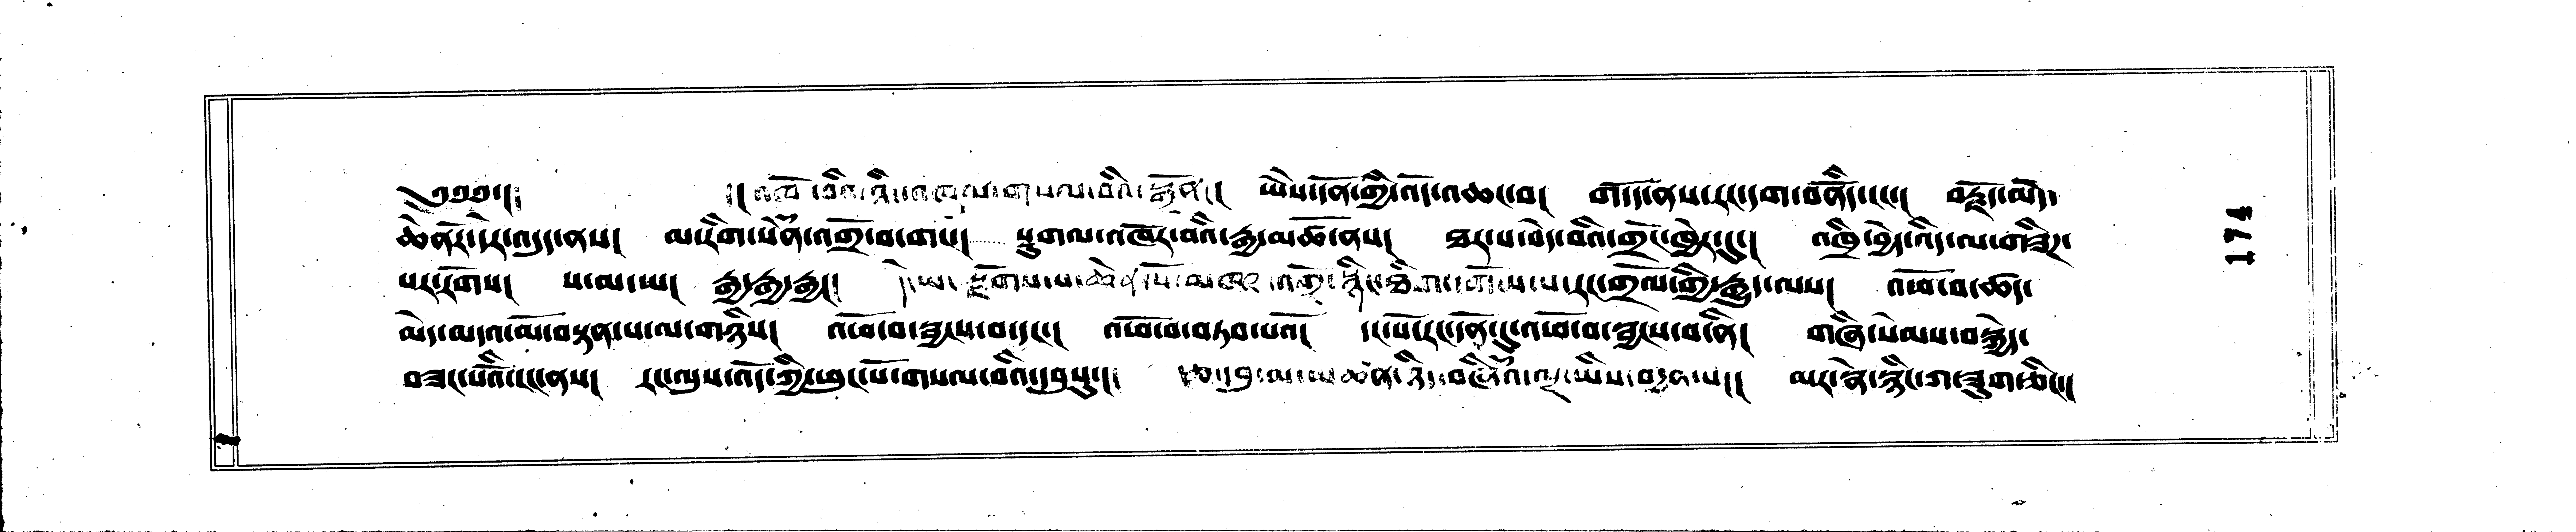༄༅།། །།འཁོར་བའི་ཉིང་འཁྲུལ་གསལ་བའི་སྒྲོན། །ཡེ་ཤེས་དོན་གྱི་འོད་འཆང་བ། །གདོད་ནས་རང་དག་བོན་ཉིད་ངང་། །བརྗོད་མེད་
ཆེན་པོ་དེར་འདུད་ནས། །མ་རིག་སེམས་ཅན་འགྲོ་བ་གང་། །སྡུག་བསྔལ་འཁོར་བའི་རྒྱ་མཚོ་ནས། །ཐར་པ་བདེ་བའི་གྲོང་ཁྱེར་དུ། །འཁྲིད་བྱེད་འདི་ལ་གཟིགས་པ
ར་རོགས། །ས་མ་ཡ། རྒྱ་རྒྱ་རྒྱ། །དེ་ཡང་རྫོགས་པ་ཆེན་པོ་མཁའ་འགྲོ་སྙིང་ཐིག་དགོངས་པ་རང་གྲོལ་གྱི་རྒྱུད་ལས། འཕོ་བ་ཚད་
མེད་མདའ་མོ་བསྟན་པ་ལ་གཉིས། འཕོ་བ་སྦྱོང་བ་དང་། འཕོ་བ་བཏབ་པའོ། །དང་པོ་རང་དོན་དུ་འཕོ་བ་སྦྱངས་པ་ནི། གཞི་སེམས་བསྐྱེད་
བཟང་པོའི་ངང་ནས། རང་ལུས་འོད་ཀྱི་ཕུང་པོ་གསལ་བའི་དབུས་སུ། རྩ་དབུ་མ་མཚན་ཉིད་བཞིའམ་ལྔ་ཡིས་བརྒྱན་པ། མར་སྣེ་སྙིང་ཀ་ཟུག་ཅིང་།